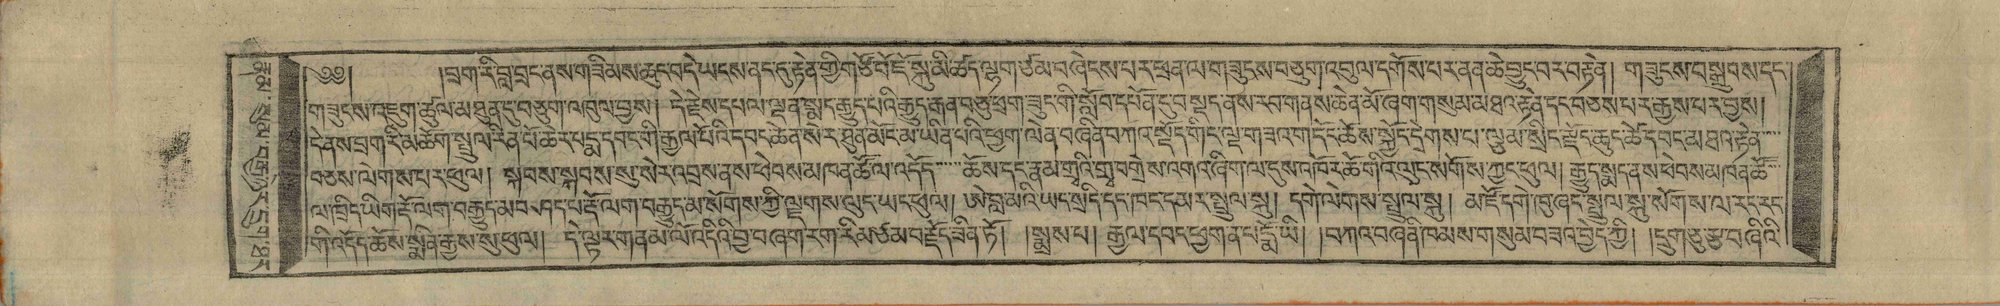༄༅། །བྲག་རི་བླ་བྲང་ནས་གཟིམས་ཆུང་བདེ་ཡངས་ནང་དུ་རྟེན་གྱི་གཙོ་བོ་ཇོ་སྐུ་མི་ཚད་ལྷག་ཙམ་བཞེངས་པར་ཕྲན་ལ་གཟུངས་བཅུག་འབུལ་དགོས་པར་ནན་ཆེ་བྱུང་བར་བརྟེན། གཟུངས་བསྒྲུབས་དང་
གཟུངས་འཇུག་ཚུལ་མཐུན་དུ་བཅུག་འཁུལ་བྱས། དེ་རྗེས་དཔལ་ལྡན་སྨད་རྒྱུད་པའི་རྒྱུད་རྒན་བཅུ་ཕྲག་ཟུང་གི་སློབ་དཔོན་དུ་བསྡད་ནས་རབ་གནས་ཆེན་མོ་ཞག་གསུམ་མཐའ་རྟེན་དང་བཅས་པར་རྒྱས་པར་བྱས།
དེ་ནས་བྲག་རི་མཆོག་སྤྲུལ་རིན་པོ་ཆེར་པདམ་དབང་གི་རྒྱལ་པོའི་དབང་ཆེན་སེ་ར་ཐུན་མོང་མ་ཡིན་པའི་ཕྱག་ལེན་བཞིན་བཀའ་སྡོད་གིང་ལྔ་གཟའ་གདོང་ཆོས་སྐྱོང་དྲེགས་པ་ལྕམ་སྲིད་རྫོང་ཆུང་ཚེ་དབང་མཐའ་རྟེན་
བཅས་ལེགས་པར་ཕུལ། སྐབས་སྐབས་སུ་སེར་འབྲས་ནས་ཕེབས་མཁན་ཚོ་ལ་འདོད་ཆོས་དང་རྣམ་གྲྭའི་གྲྭ་བགྲེས་འགའ་ཞིག་ལ་དུས་འཁོར་ཆོ་གའི་ལུང་སོགས་ཀྱང་ཕུལ། རྒྱུད་སྨད་ནས་ཕེབས་མཁན་ཚོ་
ལ་ཁྲིད་ཡིག་རྡོ་ལག་བརྒྱུད་མ་བཤད་པ་རྡོ་ལག་བརྒྱུད་མ་སོགས་ཀྱི་ལྗགས་ལུང་ཡང་ཕུལ། ཨེ་བླ་མའི་ཡང་སྲིད་དང་ཁང་དམར་སྤྲུལ་སྐུ། དགེ་ལེགས་སྤྲུལ་སྐུ། མ་ཛོ་དགེ་ཁུ་ཞང་སྤྲུལ་སྐུ་སོགས་ལ་རང་རང་
གི་འདོད་ཆོས་སྨིན་རྒྱས་སུ་ཕུལ། དེ་ལྟར་གནམ་ལོ་འདིའི་བྱ་བཞག་རག་རིམ་ཙམ་བརྗོད་ཟིན་ཏོ། །སྨྲས་པ། རྒྱལ་དབང་ཕྱག་ན་པདམོ་ཡི། །བཀའ་བཞིན་ཁམས་གསུམ་བཟའ་བྱེད་ཀྱི། །དྲུག་ཅུ་རྩ་བཞིའི་